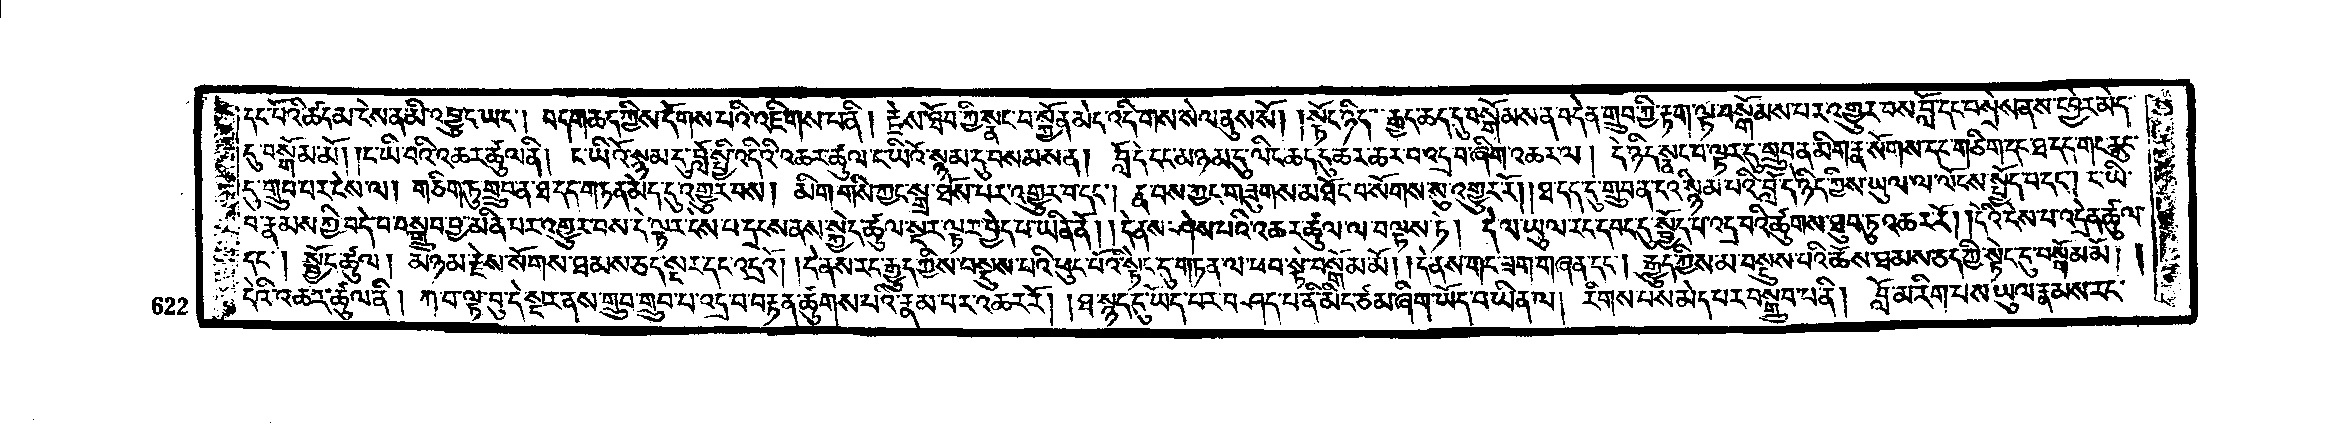དང་པོའི་ཆད་མ་ངེས་ན་མི་འབྱུང་ཡང་། བདག་ཆད་ཀྱིས་དོགས་པའི་འཇིགས་པ་ནི། རྗེས་ཐོབ་ཀྱི་སྣང་བ་སྐྱོན་མེད་འདི་གས་སེལ་ནུས་སོ། །སྟོང་ཉིད་རྒྱང་ཆད་དུ་བསྒོམས་ན་བདེན་གྲུབ་ཀྱི་རྟག་ལྟ་བསྒོམས་པར་འགྱུར་བས་བློ་དང་བསྲེས་ནས་དབྱེར་མེད་
དུ་བསྒོམ་མོ། །ང་ཡི་བའི་འཆར་ཚུལ་ནི། ང་ཡིའོ་སྙམ་དུ་བློ་སྤྱི་འདིའི་འཆར་ཚུལ་ང་ཡིའོ་སྙམ་དུ་བསམས་ན། བློ་དེ་དང་མཉམ་དུ་ལིང་ཆད་དུ་ཆར་ཆར་བ་འདྲ་བ་ཞིག་འཆར་ལ། དེ་ཉིད་སྣང་བ་ལྟར་དུ་གྲུབ་ན་མིག་རྣ་སོགས་དང་གཅིག་དང་ཐ་དད་གང་རུང་
དུ་གྲུབ་པར་ངེས་ལ། གཅིག་ཏུ་གྲུབ་ན་ཐ་དད་གཏན་མེད་དུ་འགྱུར་བས། མིག་གིས་ཀྱང་སྒྲ་ཐོས་པར་འགྱུར་བ་དང་། རྣ་བས་ཀྱང་གཟུགས་མཐོང་བ་སོགས་སུ་འགྱུར་རོ། །ཐ་དད་དུ་གྲུབ་ན་ངའི་སྙམ་པའི་བློ་དེ་ཉིད་ཀྱིས་ཡུལ་ལ་ལོངས་སྤྱོད་པ་དང་། ང་ཡི་
བ་རྣམས་ཀྱི་བདེ་བ་བསྒྲུབ་བྱ་མིན་པར་འགྱུར་བས་དེ་ལྟར་ངེས་པ་དྲངས་ནས་སྐྱེད་ཚུལ་སྔར་ལྟར་བྱེད་པ་ཡིན་ནོ། །དེ་ནས་ཤེས་པའི་འཆར་ཚུལ་ལ་བལྟས་ཏེ། དེ་ལ་ཡུལ་རང་དབང་དུ་སྤྱོད་པ་འདྲ་བའི་ཚུགས་ཐུབ་ཏུ་འཆར་རོ། །དེའི་ངེས་པ་འདྲེན་ཚུལ་
དང་། སྐྱོང་ཚུལ། མཉམ་རྗེས་སོགས་ཐམས་ཅད་སྔར་དང་འདྲའོ། །དེ་ནས་རང་རྒྱུད་ཀྱིས་བསྡུས་པའི་ཕུང་པོའི་སྟེང་དུ་གཏན་ལ་ཕབ་སྟེ་བསྒོམ་མོ། །དེ་ནས་གང་ཟག་གཞན་དང་། རྒྱུད་ཀྱིས་མ་བསྡུས་པའི་ཆོས་ཐམས་ཅད་ཀྱི་སྟེང་དུ་བསྒོམ་མོ། །
དེའི་འཆར་ཚུལ་ནི། ཀ་བ་ལྟ་བུ་དེ་སྔར་ནས་གྲུབ་གྲུབ་པ་འདྲ་བ་བརྟན་ཚུགས་པའི་རྣམ་པར་འཆར་རོ། །ཐ་སྙད་དུ་ཡོད་པར་བཤད་པ་ནི་མིང་ཙམ་ཞིག་ཡོད་པ་ཡིན་ལ། རིགས་པས་མེད་པར་བསྒྲུབ་པ་ནི། བློ་མ་རིག་པས་ཡུལ་རྣམས་རང་